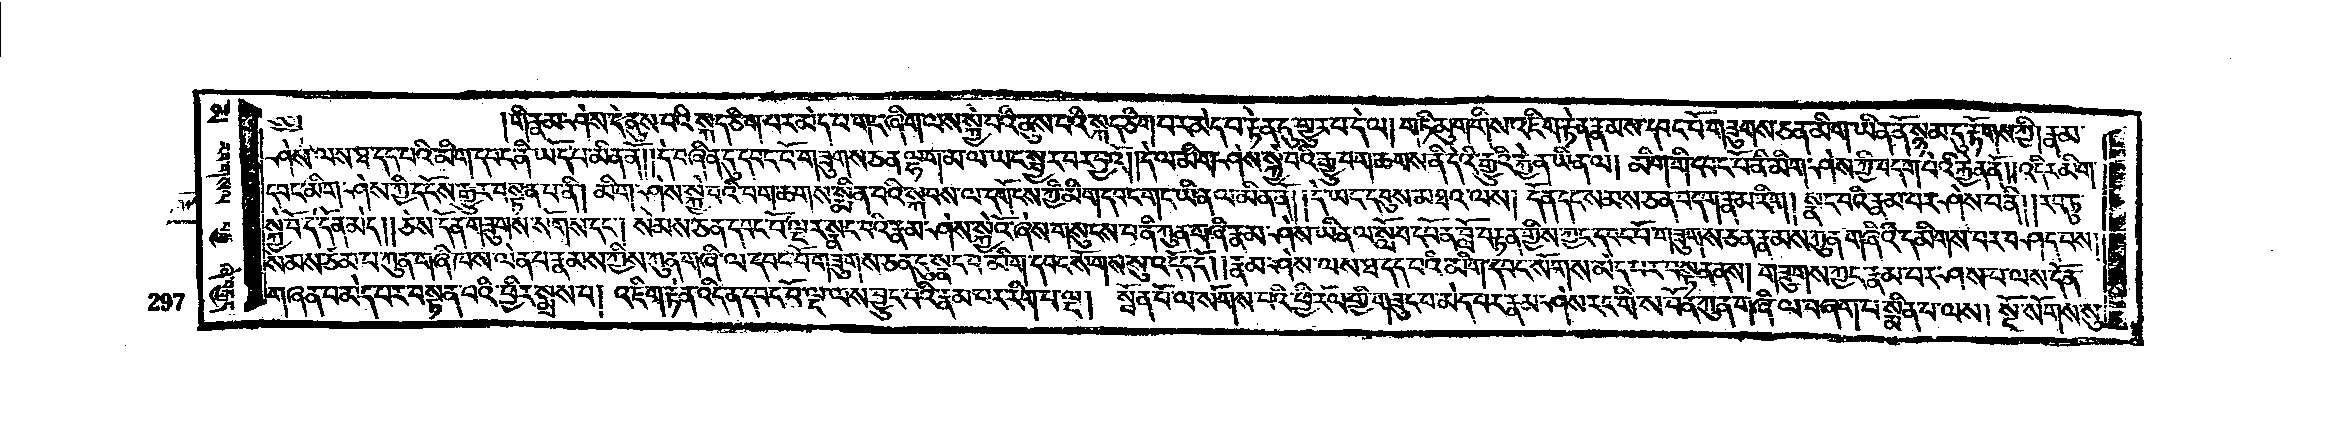༄༅། །གི་རྣམ་ཤེས་དེ་ནུས་པའི་སྐད་ཅིག་བར་མེད་པ་གང་ཞིག་ལས་སྐྱེ་བའི་ནུས་པའི་སྐད་ཅིག་པར་མེད་པ་རྟེན་དུ་གྱུར་པ་དེ་ལ། གཏི་མུག་གིས་འཇིག་རྟེན་རྣམས་དབང་པོ་གཟུགས་ཅན་མིག་ཡིན་ནོ་སྙམ་དུ་རྟོགས་ཀྱི། རྣམ་
ཤེས་ལས་ཐ་དད་པའི་མིག་དབང་ནི་ཡོད་པ་མིན་ནོ། །དེ་བཞིན་དུ་དབང་པོ་གཟུགས་ཅན་ལྷག་མ་ལ་ཡང་སྦྱར་བར་བྱའོ། །དེ་ལ་མིག་ཤེས་སྐྱེ་བའི་རྒྱུ་བག་ཆགས་ནི་དེའི་རྒྱུའི་རྐྱེན་ཡིན་ལ། མིག་གི་དབང་པོ་ནི་མིག་ཤེས་ཀྱི་བདག་པོའི་རྐྱེན་ནོ། །འདིར་མིག་
དབང་མིག་ཤེས་ཀྱི་དངོས་རྒྱུར་བསྟན་པ་ནི། མིག་ཤེས་སྐྱེ་བའི་བག་ཆགས་སྨིན་པའི་སྐབས་ལ་དགོངས་ཀྱི་མིག་དབང་གང་ཡིན་ལ་མིན་ནོ། །དེ་ཡང་དབུས་མཐའ་ལས། དོན་དང་སེམས་ཅན་བདག་རྣམ་རིག །སྣང་བའི་རྣམ་པར་ཤེས་པ་ནི། །རབ་ཏུ་
སྐྱེ་བོ་དེ་དོན་མེད། །ཅེས་དོན་གཟུགས་སོགས་དང་། སེམས་ཅན་དབང་པོ་ལྔར་སྣང་བའི་རྣམ་ཤེས་སྐྱེའོ། ཞེས་གསུངས་པ་ནི་ཀུན་གཞི་རྣམ་ཤེས་ཡིན་ལ་སློབ་དཔོན་བློ་བརྟན་གྱིས་ཀྱང་དབང་པོ་གཟུགས་ཅན་རྣམས་ཀུན་གཞིའི་དམིགས་པར་བཤད་པས།
སེམས་ཙམ་པ་ཀུན་གཞི་ཁས་ལེན་པ་རྣམས་ཀྱིས་ཀུན་གཞི་ལ་དབང་པོ་གཟུགས་ཅན་དུ་སྣང་བ་མིག་དབང་སོགས་སུ་འདོད་དོ། །རྣམ་ཤེས་ལས་ཐ་དད་པའི་མིག་དབང་སོགས་མེད་པར་བསྟན་ནས། གཟུགས་ཀྱང་རྣམ་པར་ཤེས་པ་ལས་དོན་
གཞན་པ་མེད་པར་བསྟན་པའི་ཕྱིར་སྨྲས་པ། འཇིག་རྟེན་འདི་ན་དབང་པོ་ལྔ་ལས་བྱུང་བའི་རྣམ་པར་རིག་པ་ལྔ། སྔོན་པོ་ལ་སོགས་པའི་ཕྱི་རོལ་གྱི་གཟུང་བ་མེད་པར་རྣམ་ཤེས་རང་གི་ས་བོན་ཀུན་གཞི་ལ་བཞག་པ་སྨིན་པ་ལས། སྔོ་སོགས་སུ་